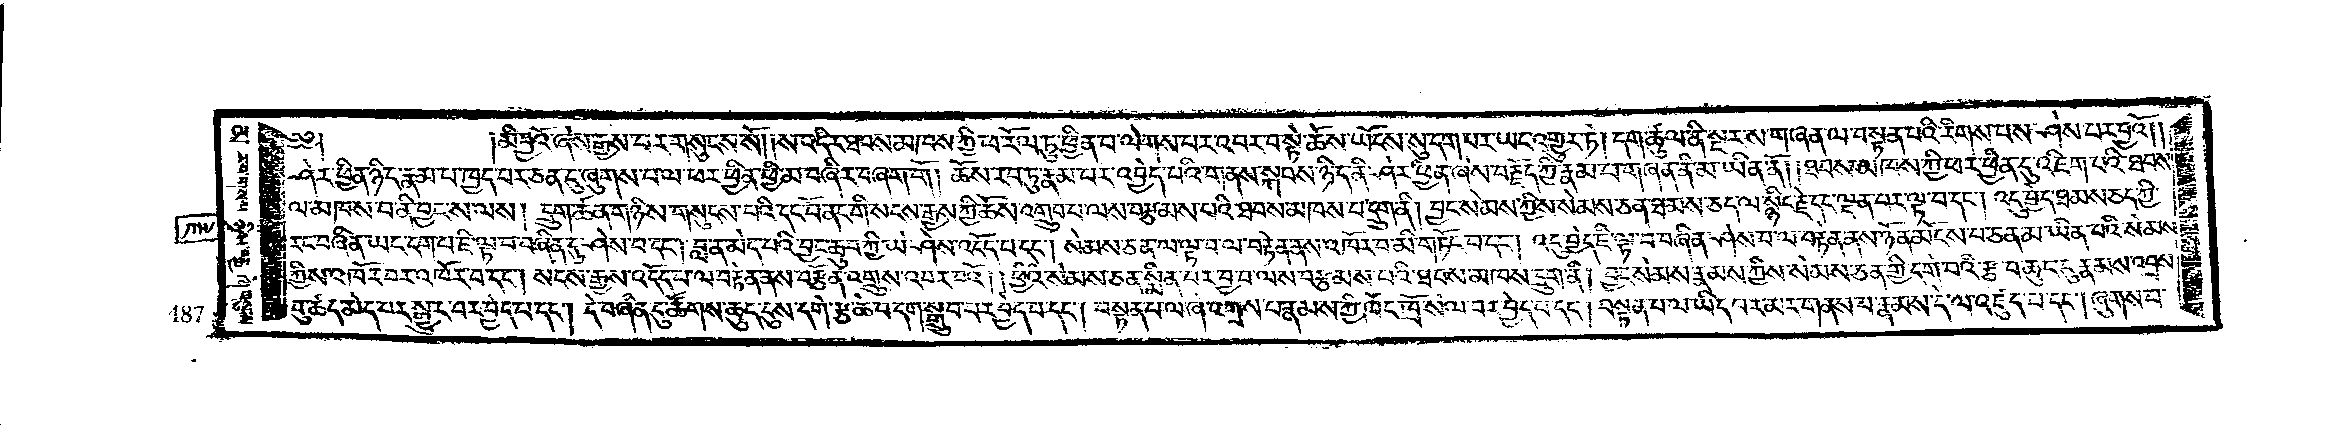༄༅། །མི་བྱའོ་ཞེས་རྒྱས་པར་གསུངས་སོ། །ས་འདིར་ཐབས་མཁས་ཀྱི་ཕ་རོལ་ཏུ་ཕྱིན་པ་ལེགས་པར་འབར་བ་སྟེ་ཆེས་ཡོངས་སུ་དག་པར་ཡང་འགྱུར་ཏེ། དག་ཚུལ་ནི་སྔར་ས་གཞན་ལ་བསྟན་པའི་རིགས་པས་ཤེས་པར་བྱའོ། །
ཤེར་ཕྱིན་ཉིད་རྣམ་པ་ཁྱད་པར་ཅན་དུ་ཞུགས་པ་ལ་ཕར་ཕྱིན་ཕྱི་མ་བཞིར་བཞག་གོ ། ཆོས་རབ་ཏུ་རྣམ་པར་འབྱེད་པའི་གནས་སྐབས་ཉིད་ནི་ཤེར་ཕྱིན་ཞེས་བརྗོད་ཀྱི་རྣམ་པ་གཞན་ནི་མ་ཡིན་ནོ། །ཐབས་མཁས་ཀྱི་ཕར་ཕྱིན་དུ་འཇོག་པའི་ཐབས་
ལ་མཁས་པ་ནི་བྱང་ས་ལས། དྲུག་ཚན་གཉིས་གསུངས་པའི་དང་པོ་ནང་གི་སངས་རྒྱས་ཀྱི་ཆོས་འགྲུབ་པ་ལས་བརྩམས་པའི་ཐབས་མཁས་པ་དྲུག་ནི། བྱང་སེམས་ཀྱིས་སེམས་ཅན་ཐམས་ཅད་ལ་སྙིང་རྗེ་དང་ལྡན་པར་ལྟ་བ་དང་། འདུ་བྱེད་ཐམས་ཅད་ཀྱི་
རང་བཞིན་ཡང་དག་པ་ཇི་ལྟ་བ་བཞིན་དུ་ཤེས་པ་དང་། བླ་ན་མེད་པའི་བྱང་ཆུབ་ཀྱི་ཡེ་ཤེས་འདོད་པ་དང་། སེམས་ཅན་ལ་ལྟ་བ་ལ་བརྟེན་ནས་འཁོར་བ་མི་གཏོང་བ་དང་། འདུ་བྱེད་ཇི་ལྟ་བ་བཞིན་ཤེས་པ་ལ་བརྟེན་ནས་ཉོན་མོངས་པ་ཅན་མ་ཡིན་པའི་སེམས་
ཀྱིས་འཁོར་བར་འཁོར་བ་དང་། སངས་རྒྱས་འདོད་པ་ལ་བརྟེན་ནས་བརྩོན་འགྲུས་འབར་བའོ། །ཕྱིའི་སེམས་ཅན་སྨིན་པར་བྱ་བ་ལས་བརྩམས་པའི་ཐབས་མཁས་དྲུག་ནི། བྱང་སེམས་རྣམས་ཀྱིས་སེམས་ཅན་གྱི་དགེ་བའི་རྩ་བ་ཆུང་ངུ་རྣམས་འབྲས་
བུ་ཚད་མེད་པར་སྒྱུར་བར་བྱེད་པ་དང་། དེ་བཞིན་དུ་ཚོགས་ཆུང་ངུས་དགེ་རྩ་ཆེ་བ་དག་སྒྲུབ་པར་བྱེད་པ་དང་། བསྟན་པ་ལ་ཞེ་འགྲས་པ་རྣམས་ཀྱི་ཁོང་ཁྲོ་སེལ་བར་བྱེད་པ་དང་། བསྟན་པ་ལ་ཡིད་བར་མར་གནས་པ་རྣམས་དེ་ལ་འཛུད་པ་དང་། ཞུགས་པ་